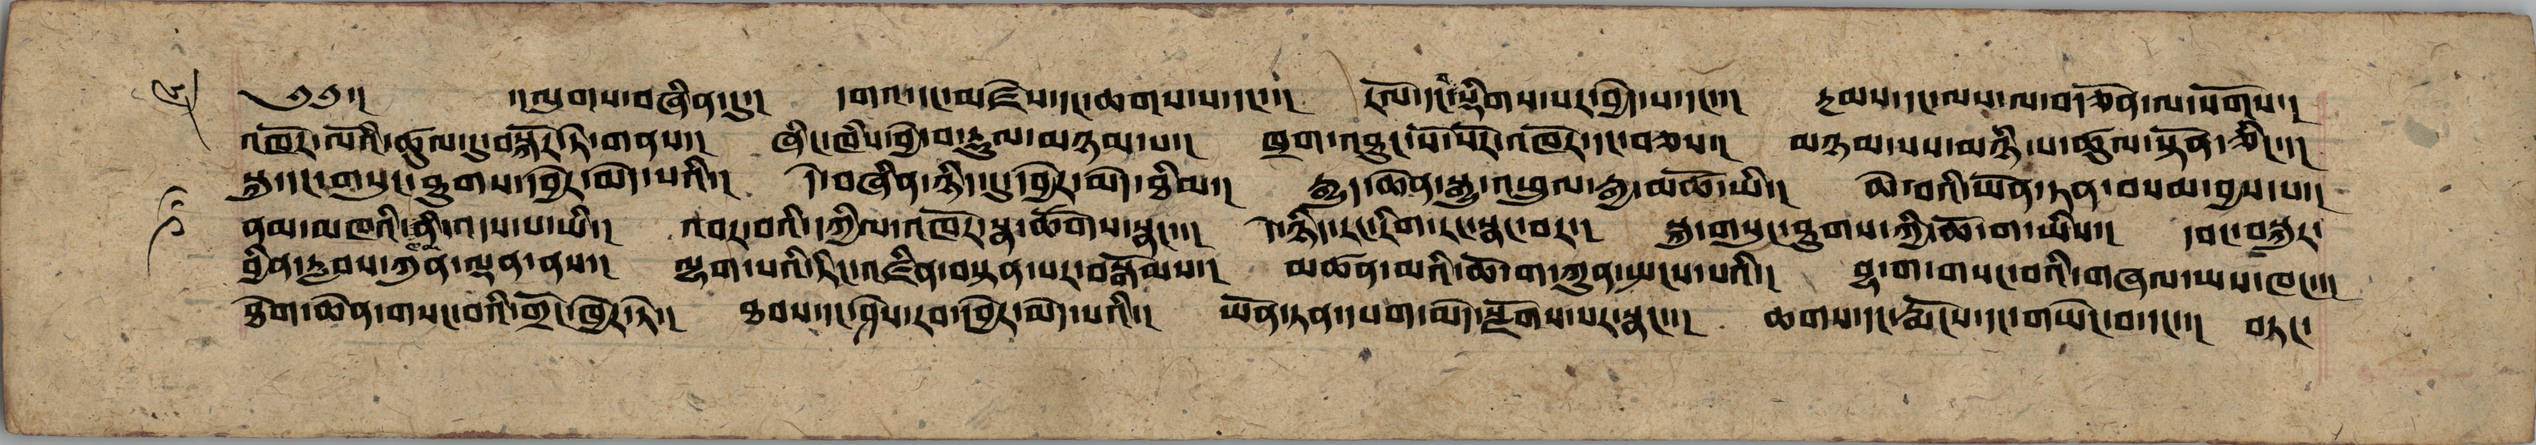༄༅་། ་།ལུགས་བཞིན་དུ་། དགའ་དང་མཛེས་དང་ཆགས་པ་དང་་། རོལ་དང་བསྡིག་པར་བྱེད་པ་དང་་། རྔམས་དང་ལས་ལ་བརྩོན་ལ་སོགས་།
འཁོར་ལོའི་ཚུལ་དུ་བསྐོར་ཏེ་གནས་། ཞིང་ཁཾས་བྱེ་བ་རྡུལ་མཉམ་པ་། ཁྲག་འཐུང་སོ་སོར་འཁོར་དང་བཅས་། མཉམ་པས་མཉཾ་པ་ཚུལ་སྟོན་ཅིང་་།
སྐུ་དང་གསུང་ཐུགས་དབྱེར་མེད་པའི་། དེ་བཞིན་ཉིད་དུ་དབྱེར་མེད་ཐིམ་། རྒྱུད་ཆེན་སྒྱུ་འཕྲུལ་རྒྱ་མཚོ་ཡི་། ཆེ་བའི་ཡོན་ཏན་བསམ་བྱས་པ་།
ནམ་མཁའི་ཁམ་ནི་འདས་པ་ཡི་། འབར་བའི་དཀྱིལ་འཁོར་སྣ་ཚོགས་སྣང་་། དེ་ཉིད་རང་རིག་རང་སྣང་བར་། སྐུ་གསུང་ཐུགས་ཀྱི་ཆོ་ག་ཡིས་། དབང་བསྐུར་
བྱིན་རླབས་ཀུན་ལྡན་ནས་། ལྷག་པའི་ཏིང་འཛིན་བསྟན་པར་བསྒོམས་། མཚན་མའི་ཆོ་ག་ཀུན་སྤངས་པའི་། བྷ་ག་གསང་བའི་གཞལ་ཡས་ཁང་་།
ཐེག་ཆེན་གསང་བའི་གྲོང་ཁྱེར་ཏེ་། ཐབས་དང་ཤེས་རབ་དབྱེར་མེད་པའི་། ཡོན་ཏན་དཔག་མེད་སྫོགས་པར་སྣང་་། ཆགས་དང་རྨོངས་དང་གཡེང་བ་དང་་། བཏང་